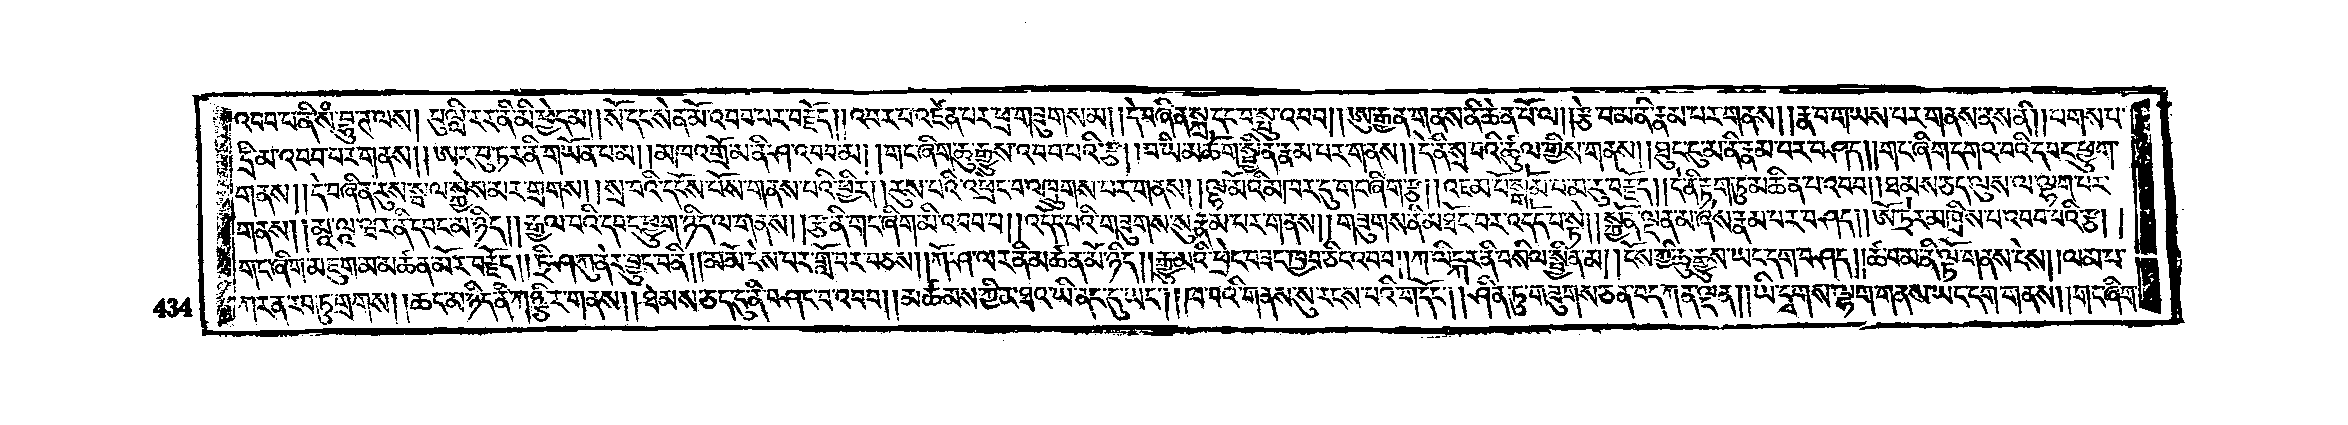འབབ་པ་ནི་སཾ་བྷུ་ཊ་ལས། པུལླི་རར་ནི་མི་ཕྱེད་མ། །སོ་དང་སེན་མོ་འབབ་པར་བརྗོད། །འབར་བ་འཛིན་པར་ཕྲ་གཟུགས་མ། །དེ་བཞིན་སྐྲ་དང་བ་སྤུ་འབབ། །ཨུ་རྒྱན་གནས་ནི་ཆེན་པོ་ལ། །རྩེ་བ་མ་ནི་རྣམ་པར་གནས། །རྣ་བ་གཡས་པར་གནས་ནས་ནི། །པགས་པ་
དྲི་མ་འབབ་པར་གནས། །ཨར་བུ་ཏར་ནི་གཡོན་པ་མ། །མཁའ་འགྲོ་མ་ནི་ཤ་འབབ་མ། །གང་ཞིག་ཆུ་རྒྱུས་འབབ་པའི་རྩ། །བ་ཡི་མཆོག་སྦྱིན་རྣམ་པར་གནས། །དེ་ནི་སྲ་བའི་ཚུལ་གྱིས་གནས། །ཐུང་ངུ་མ་ནི་རྣམ་པར་བཤད། །གང་ཞིག་དགའ་བའི་དབང་ཕྱུག་
གནས། །དེ་བཞིན་རུས་སྦལ་སྐྱེས་མར་གྲགས། །སྲ་བའི་དངོས་པོས་གནས་པའི་ཕྱིར། །རུས་པའི་འཕྲེང་བ་འཁྲུགས་པར་གནས། །ལྷ་མོའི་མཁར་དུ་གང་ཞིག་རྩ། །འཇམ་པོ་སྒོམ་པ་མ་རུ་བརྗོད། །དེ་ནི་རྟག་ཏུ་མཆིན་པ་འབབ། །ཐམས་ཅད་ལུས་ལ་ལྷག་པར་
གནས། །མཱ་ལཱ་ཝར་ནི་དབང་མ་ཉིད། །རྒྱལ་བའི་དབང་ཕྱུག་ཉིད་ལ་གནས། །རྩ་ནི་གང་ཞིག་མི་འབབ་པ། །འདོད་པའི་གཟུགས་སུ་རྣམ་པར་གནས། །གཟུགས་ནི་མཐོང་བར་འདོད་པ་སྟེ། །སྐྱོན་ལྡན་མ་ཞེས་རྣམ་པར་བཤད། །ཨོ་ཏྲེར་མཁྲིས་པ་འབབ་པའི་རྩ།
གང་ཞིག་མཇུག་མ་མཚན་མོར་བརྗོད། །ཏྲི་ཤ་ཀུ་ནེར་བྱུང་བ་ནི། །མ་མོ་ངེས་པར་གློ་བར་བཅས། །ཀོ་ཤ་ལར་ནི་མཚན་མོ་ཉིད། །རྒྱུ་མའི་ཕྲེང་བཟང་ཁྱབ་ཅིང་འབབ། །ཀ་ལིངྐར་ནི་བསིལ་སྦྱིན་མ། །ངོས་ཀྱི་ཆུ་རྒྱུས་ཡང་དག་བཤད། །ཚ་བ་མ་ནི་ལྟོ་གནས་ངེས། །ལམ་པ་
ཀར་ནི་རབ་ཏུ་གྲགས། །ཆང་མ་ཉིད་ནི་ཀཉྩིར་གནས། །ཐམས་ཅད་དུ་ནི་བཤང་བ་འབབ། །མཚམས་ཀྱི་མཐའ་ཡི་ནང་དུ་ཡང་། །ཁ་བའི་གནས་སུ་རངས་པའི་གདོང་། །ཤིན་ཏུ་གཟུགས་ཅན་བད་ཀན་ལྡན། །ཡི་དྭགས་ལྷག་གནས་ཡང་དག་གནས། །གང་ཞིག་